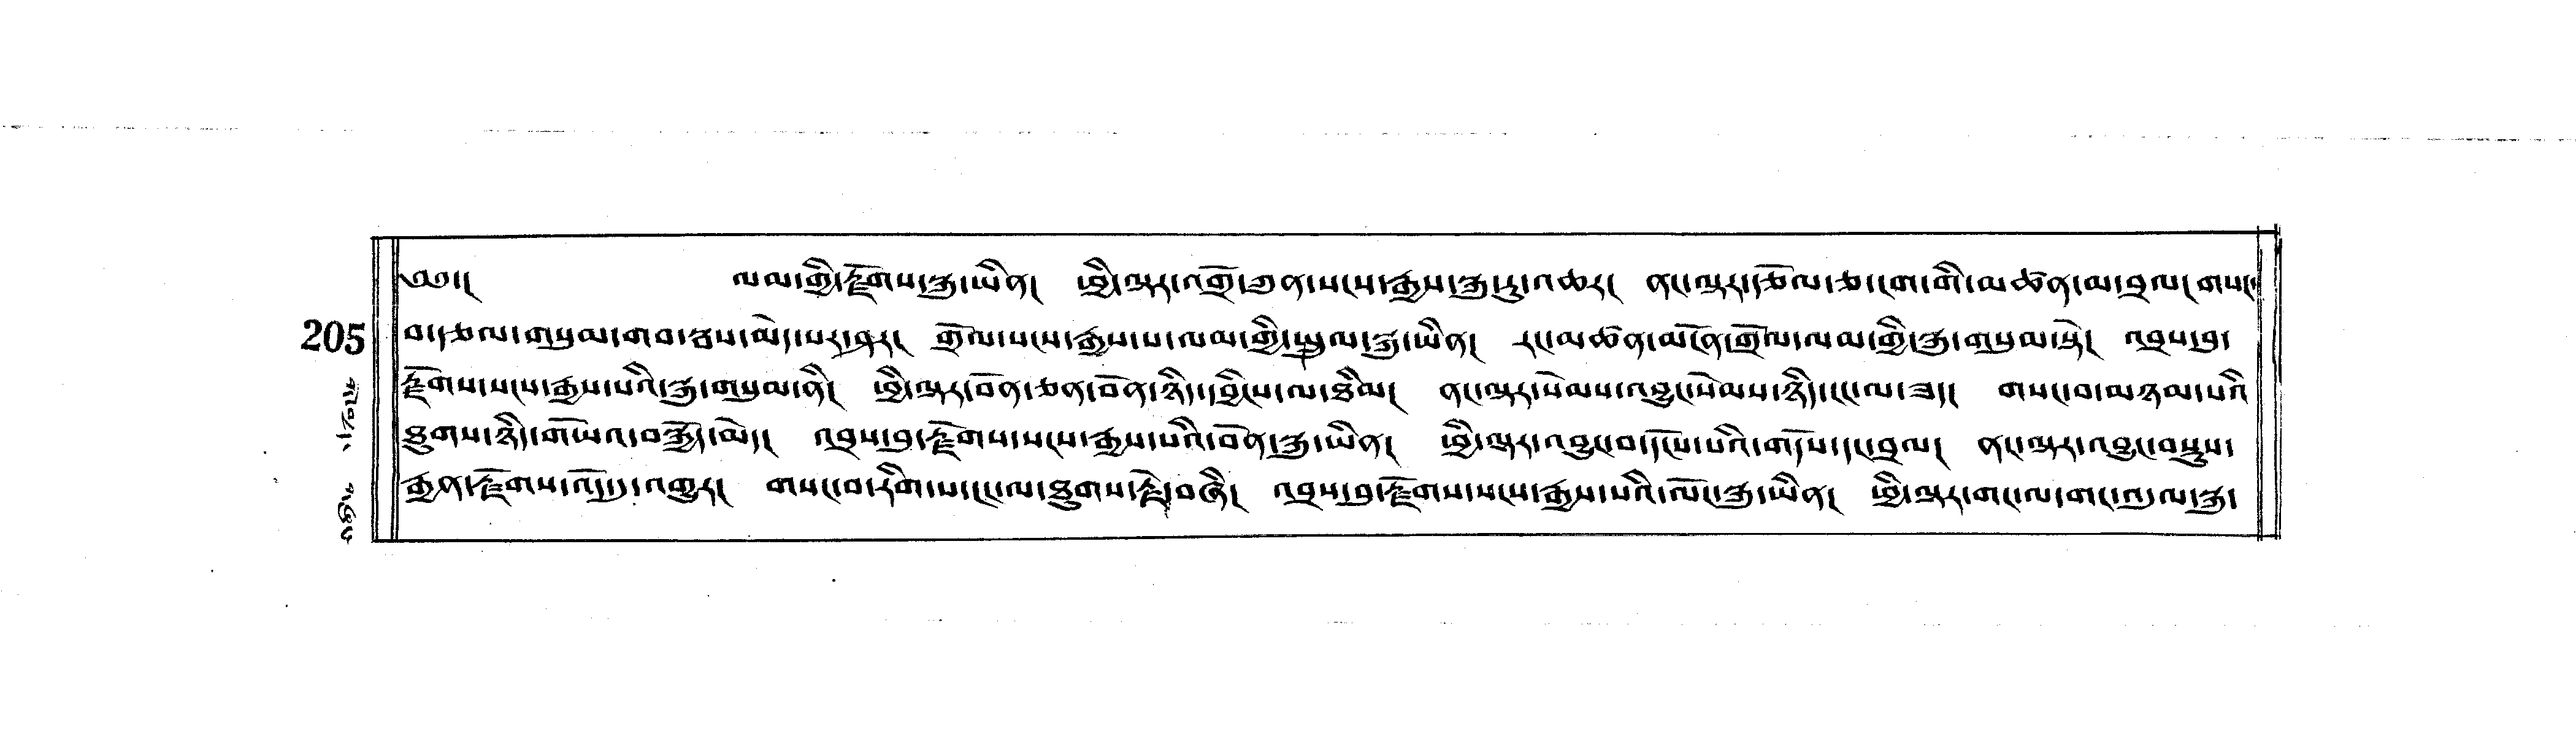ལམ་གྱི་རྫོགས་སྐུ་ཡིན། ཕྱི་ལྟར་འགྲོ་ཀུན་སངས་རྒྱས་སྐུ་རུ་འཆར། ནང་ལྟར་རྩོལ་བཅས་ངག་གི་མཚན་མ་བྲལ། གསང་
བ་རྩལ་གསུམ་གབ་སྦས་མེད་པར་ཤར། གྲོལ་སངས་རྒྱས་པ་ལམ་གྱི་སྤྲུལ་སྐུ་ཡིན། རང་མཚན་མངོན་གྲོལ་ལམ་གྱི་སྐུ་གསུམ་སྟེ། འབྲས་བུ་
རྫོགས་སངས་རྒྱས་པའི་སྐུ་གསུམ་ནི། ཕྱི་ལྟར་བོན་ཅན་བོན་ཉིད་དབྱིངས་ལ་ཐིམ། ནང་ལྟར་སེམས་འབྱུང་སེམས་ཉིད་ངང་ལ་ཟད། གསང་བ་མཉམ་པའི་
ཐུགས་ཉིད་གཡོ་སྐྱོད་མེད། འབས་བུ་རྫོགས་སངས་རྒྱས་པའི་བོན་སྐུ་ཡིན། ཕྱི་ལྟར་འབྱུང་བ་དངོས་པོའི་གདོས་དང་བྲལ། ནང་ལྟར་འབྱུང་བསྡུས་
རྒྱན་རྫོགས་འོད་དུ་འགྱུར། གསང་བ་རིག་པ་ངང་ལ་ཐུགས་རྗེ་བཞི། འབྲས་བུ་རྫོགས་སངས་རྒྱས་པའི་ལོངས་སྐུ་ཡིན། ཕྱི་ལྟར་གང་ལ་གང་འདུལ་སྐུ་